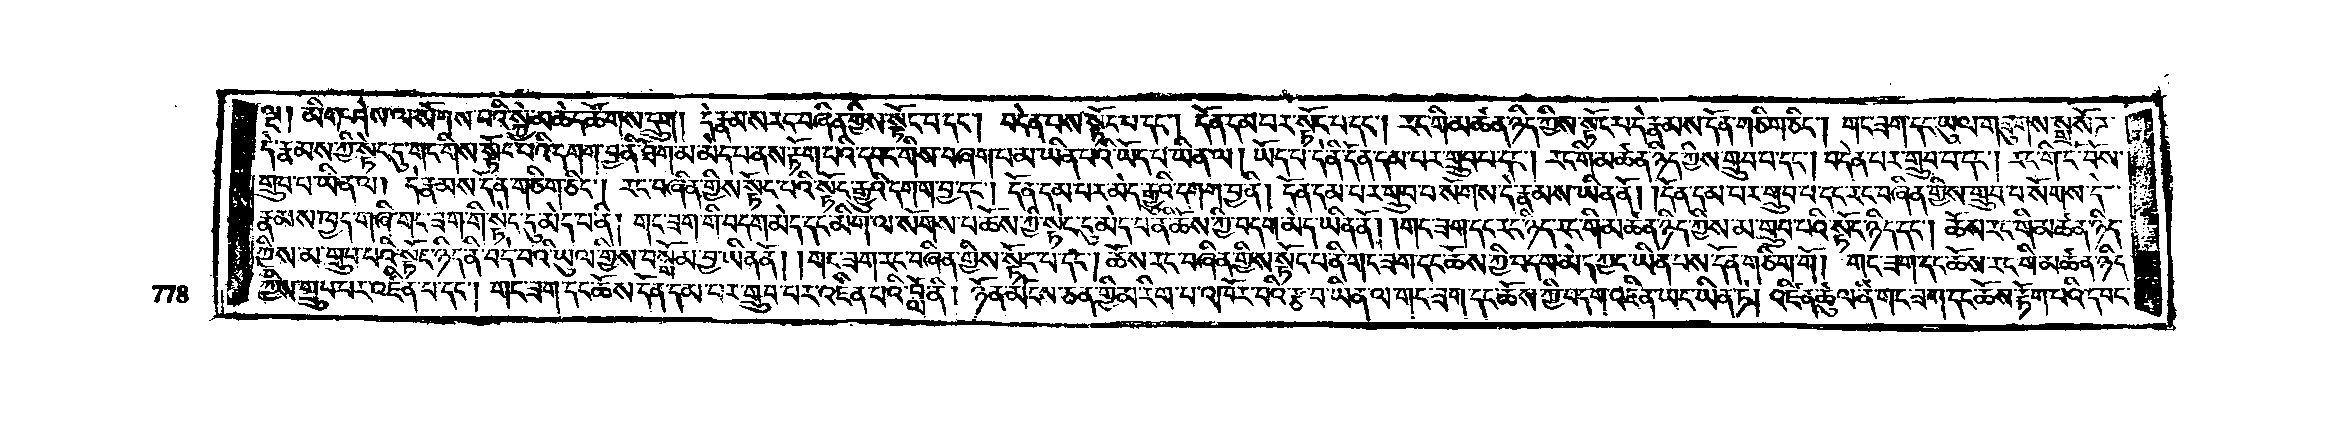ལྔ། མིག་ཤེས་ལ་སོགས་པའི་སྐྱེ་མཆེད་ཚོགས་དྲུག །དེ་རྣམས་རང་བཞིན་གྱིས་སྟོང་པ་དང་། བདེན་པས་སྟོང་པ་དང་། དོན་དམ་པར་སྟོང་པ་དང་། རང་གི་མཚན་ཉིད་ཀྱིས་སྟོང་པ་དེ་རྣམས་དོན་གཅིག་ཅིང་། གང་ཟག་དང་ཡུལ་གཟུགས་སྒྲ་སོགས་
དེ་རྣམས་ཀྱི་སྟེང་དུ་གང་གིས་སྟོང་པའི་དགག་བྱ་ནི་ཐོག་མ་མེད་པ་ནས་རྟོག་པའི་དབང་གིས་བཞག་པ་མ་ཡིན་པའི་ཡོད་པ་ཡིན་ལ། ཡོད་པ་དེ་ནི་དོན་དམ་པར་གྲུབ་པ་དང་། རང་གི་མཚན་ཉིད་ཀྱིས་གྲུབ་པ་དང་། བདེན་པར་གྲུབ་པ་དང་། རང་གི་ངོ་བོས་
གྲུབ་པ་ཡིན་ལ། དེ་རྣམས་དོན་གཅིག་ཅིང་། རང་བཞིན་གྱིས་སྟོང་པའི་སྟོང་རྒྱུའི་དགག་བྱ་དང་། དོན་དམ་པར་མེད་རྒྱུའི་དགག་བྱ་ནི། དོན་དམ་པར་གྲུབ་པ་སོགས་དེ་རྣམས་ཡིན་ནོ། །དོན་དམ་པར་གྲུབ་པ་དང་རང་བཞིན་གྱིས་གྲུབ་པ་སོགས་དེ་
རྣམས་ཁྱད་གཞི་གང་ཟག་གི་སྟེང་དུ་མེད་པ་ནི། གང་ཟག་གི་བདག་མེད་དང་མིག་ལ་སོགས་པ་ཆོས་ཀྱི་སྟེང་དུ་མེད་པ་ནི་ཆོས་ཀྱི་བདག་མེད་ཡིན་ནོ། །གང་ཟག་དང་རང་ཉིད་རང་གི་མཚན་ཉིད་ཀྱིས་མ་གྲུབ་པའི་སྟོང་ཉིད་དང་། ཆོས་རང་གི་མཚན་ཉིད་
ཀྱིས་མ་གྲུབ་པའི་སྟོང་ཉིད་ནི་བདེ་བའི་ཡུལ་གྱིས་བསྒོམ་བྱ་ཡིན་ནོ། །གང་ཟག་རང་བཞིན་གྱིས་སྟོང་པ་དང་། ཆོས་རང་བཞིན་གྱིས་སྟོང་པ་ནི་གང་ཟག་དང་ཆོས་ཀྱི་བདག་མེད་ཀྱང་ཡིན་པས་དོན་གཅིག་གོ །གང་ཟག་དང་ཆོས་རང་གི་མཚན་ཉིད་
ཀྱིས་གྲུབ་པར་འཛིན་པ་དང་། གང་ཟག་དང་ཆོས་དོན་དམ་པར་གྲུབ་པར་འཛིན་པའི་བློ་ནི། ཉོན་མོངས་ཅན་གྱི་མ་རིག་པ་འཁོར་བའི་རྩ་བ་ཡིན་ལ་གང་ཟག་དང་ཆོས་ཀྱི་བདག་འཛིན་ཡང་ཡིན་ཏེ། འཛིན་ཚུལ་ནི་གང་ཟག་དང་ཆོས་རྟོག་པའི་དབང་